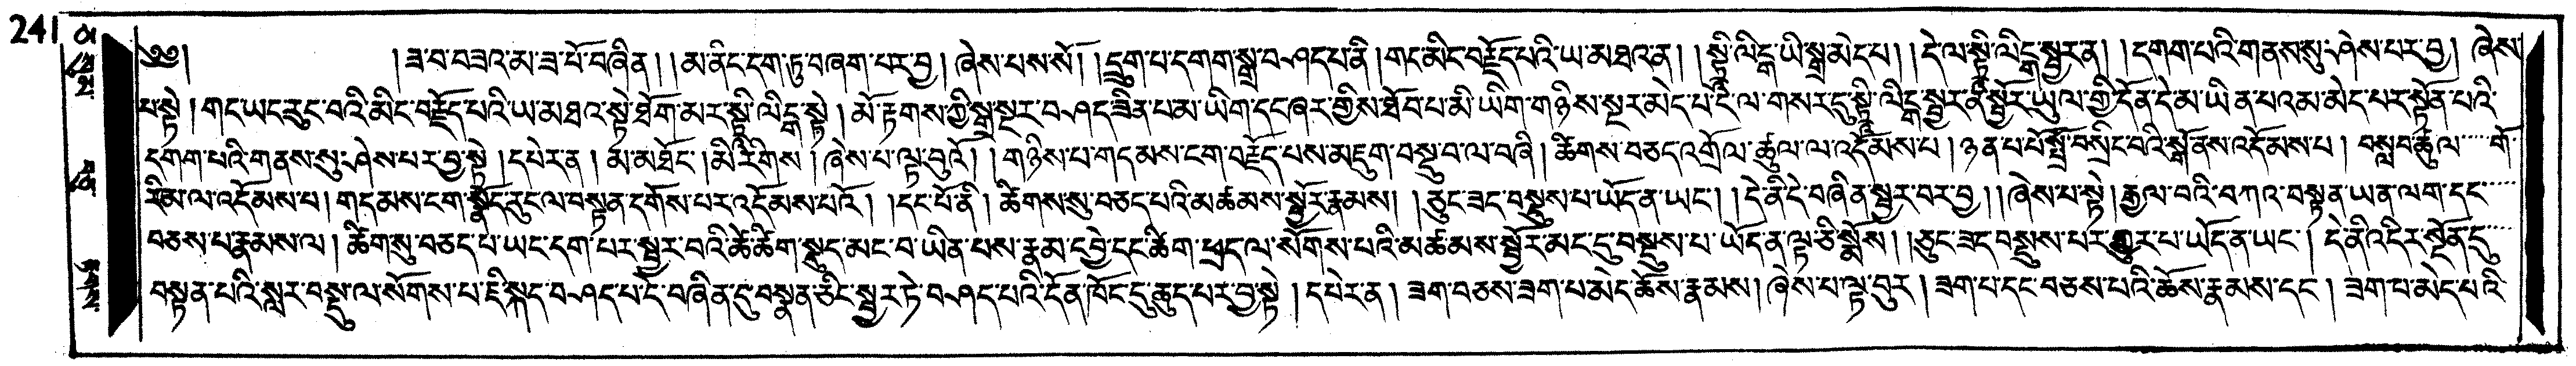༄༅། །ཟ་བ་བཟའ་མ་ཟ་པོ་བཞིན། །མ་ནིང་དག་ཏུ་བཞག་པར་བྱ་།ཞེས་པས་སོ། །དྲུག་པ་དགག་སྒྲ་བཤད་པ་ནི། གང་མིང་བརྗོད་པའི་ཡ་མཐའ་ན། །སྟི་ལིངྒ་ཡི་སྒྲ་མེད་པ། །དེ་ལ་སྟི་ལིངྒ་སྦྱར་ན། །དགག་པའི་གནས་སུ་ཤེས་པར་བྱ། ཞེས་
པ་སྟེ། གང་ཡང་རུང་བའི་མིང་བརྗོད་པའི་ཡ་མཐའ་སྟེ་ཐོག་མར་སྟི་ལིངྒ་སྟེ། མོ་རྟགས་ཀྱི་སྒྲ་སྔར་བཤད་ཟིན་པ་མ་ཡིག་དང་ཞར་གྱིས་ཐོབ་པ་མི་ཡིག་གཉིས་སྔར་མེད་པ་དེ་ལ་གསར་དུ་སྟི་ལིངྒ་སྦྱར་ནི་སྦྱོར་ཡུལ་གྱི་དོན་དེ་མ་ཡིན་པའམ་མེད་པར་སྟོན་པའི་
དགག་པའི་གནས་སུ་ཤེས་པར་བྱ་སྟེ་།དཔེར་ན། མ་མཐོང་།མི་རིགས་།ཞེས་པ་ལྟ་བུའོ། །གཉིས་པ་གདམས་ངག་བརྗོད་པས་མཇུག་བསྡུ་བ་ལ་བཞི། ཚིགས་བཅད་འགྲོལ་ཚུལ་ལ་འདོམས་པ། ཉན་པ་པོ་སྤྲོ་བསྲིང་བའི་སྒོ་ནས་འདོམས་པ། བསླབ་ཚུལ་་་གོ་
རིམ་ལ་འདོམས་པ། གདམས་ངག་སྣོད་རུང་ལ་བསྟན་དགོས་པར་འདོམས་པའོ། །དང་པོ་ནི། ཚིགས་སུ་བཅད་པའི་མཚམས་སྦྱོར་རྣམས། །ཅུང་ཟད་བསྡུས་པ་ཡོད་ན་ཡང་། །དེ་ནི་དེ་བཞིན་སྦྱར་བར་བྱ། །ཞེས་པ་སྟེ། རྒྱལ་བའི་བཀའ་བསྟན་ཡན་ལག་དང་
བཅས་པ་རྣམས་ལ། ཚིག་སུ་བཅད་པ་ཡང་དག་པར་སྦྱར་བའི་ཚེ་ཚིག་སྡུད་མང་བ་ཡིན་པས་རྣམ་དབྱེ་དང་ཚིག་ཕྲད་ལ་སོགས་པའི་མཚམས་སྦྱོར་མང་དུ་བསྡུས་པ་ཡོད་ན་ལྟ་ཅི་སྨོས། །ཅུང་ཟད་བསྡུས་པར་གྱུར་པ་ཡོད་ན་ཡང་། དེ་ནི་འདིར་སྔོན་དུ་
བསྟན་པའི་སླར་བསྡུ་ལ་སོགས་པ་ཇི་སྐད་བཤད་པ་དེ་བཞིན་དུ་བསྣན་ཅིང་སྦྱར་ཏེ་བཤད་པའི་དོན་ཁོང་དུ་ཆུད་པར་བྱ་སྟེ། དཔེར་ན། ཟག་བཅས་ཟག་པ་མེད་ཆོས་རྣམས། ཞེས་པ་ལྟ་བུར། ཟག་པ་དང་བཅས་པའི་ཆོས་རྣམས་དང་། ཟག་པ་མེད་པའི་